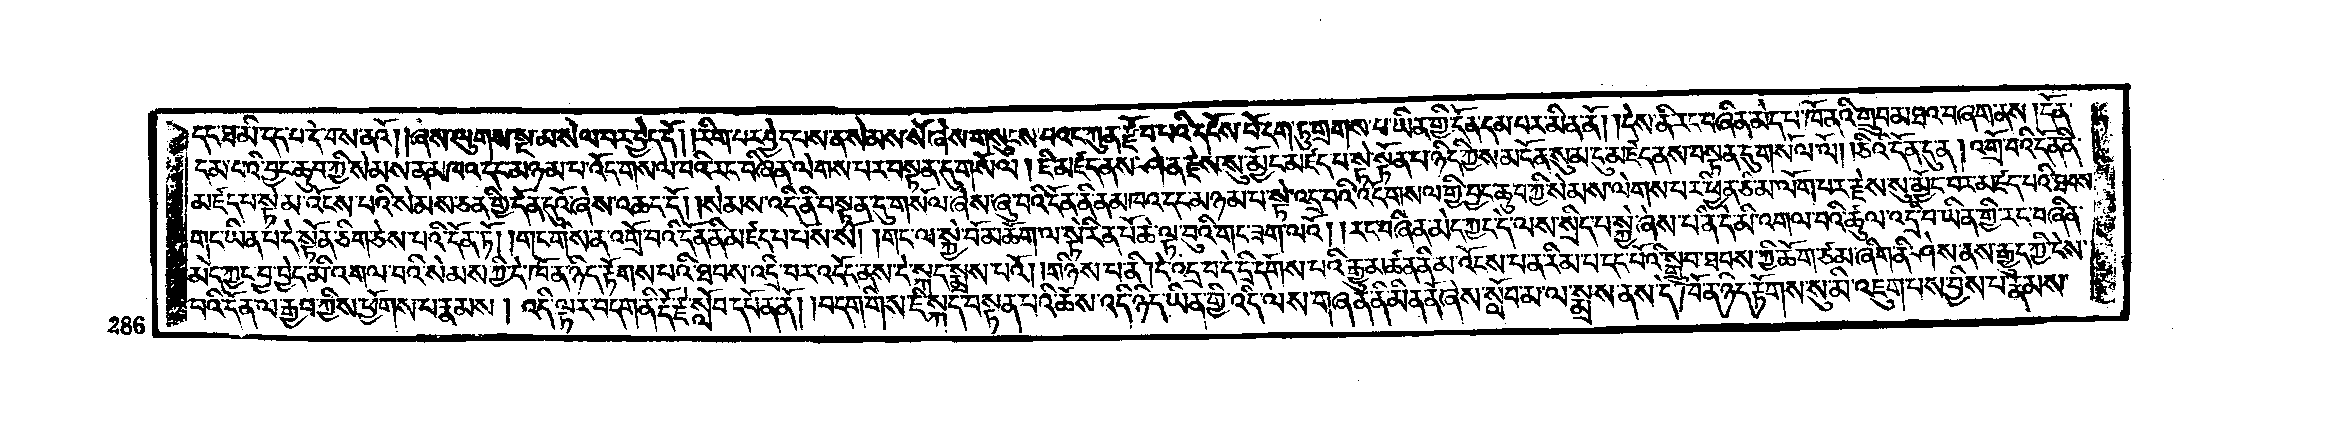དང་ཐ་མི་དད་པ་དེ་བས་ནའོ། །ཞེས་ལུགས་སྔ་མ་སེལ་བར་བྱེད་དོ། །རིག་པར་བྱེད་པ་ན་སེམས་སོ་ཞེས་གསུངས་པའང་ཀུན་རྫོབ་པའི་དངོས་པོ་དག་ཏུ་གྲགས་པ་ཡིན་གྱི་དོན་དམ་པར་མིན་ནོ། །དེས་ནི་རང་བཞིན་མེད་པ་ཁོ་ནའི་གྲུབ་མཐའ་བཞག་ནས། དོན་
དམ་པའི་བྱང་ཆུབ་ཀྱི་སེམས་ནམ་མཁའ་དང་མཉམ་པ་འོད་གསལ་བའི་རང་བཞིན་ལེགས་པར་བསྟན་དུ་གསོལ། ཇི་མཛད་ནས་ཤེ་ན་རྗེས་སུ་མྱོང་མཛད་པ་སྟེ་སྟོན་པ་ཉིད་ཀྱིས་མངོན་སུམ་མཛད་ནས་བསྟན་དུ་གསོལ་ལོ། །ཅིའི་དོན་དུ་ན། འགྲོ་བའི་དོན་ནི་
མཛད་པ་སྟེ་མ་འོངས་པའི་སེམས་ཅན་གྱི་དོན་དུའོ་ཞེས་འཆད་དོ། །སེམས་འདི་ནི་བསྟན་དུ་གསོལ་ཞེས་ཞུ་བའི་དོན་ནི་ནམ་མཁའ་དང་མཉམ་པ་སྟེ་འདྲ་བའི་འོད་གསལ་གྱི་བྱང་ཆུབ་ཀྱི་སེམས་ལེགས་པར་ཕྱིན་ཅི་མ་ལོག་པར་རྗེས་སུ་མྱོང་བར་མཛད་པའི་ཐབས་
གང་ཡིན་པ་དེ་སྟོན་ཅིག་ཅེས་པའི་དོན་ཏོ། །གང་གིས་ན་འགྲོ་བའི་དོན་ནི་མཛད་པ་པོས་སོ། །གང་ལ་སྐྱེ་བོ་མཆོག་ལ་སྟེ་རིན་པོ་ཆེ་ལྟ་བུའི་གང་ཟག་ལའོ། །རང་བཞིན་མེད་ཀྱང་དེ་ལས་སྲིད་པ་སྐྱེ་ཞེས་པ་ནི་དེ་མི་འགལ་བའི་ཚུལ་འདྲི་བ་ཡིན་གྱི་རང་བཞིན་
མེད་ཀྱང་བྱ་བྱེད་མི་འགལ་བའི་སེམས་ཀྱི་དེ་ཁོ་ན་ཉིད་རྟོགས་པའི་ཐབས་འདྲི་བར་འདོད་ནས་དེ་སྐད་སྨྲས་པའོ། །གཉིས་པ་ནི། དེ་འདྲ་བ་དེ་དྲི་དགོས་པའི་རྒྱུ་མཚན་ནི་མ་འོངས་པ་ན་རིམ་པ་དང་པོའི་སྒྲུབ་ཐབས་ཀྱི་ཆོ་ག་ཙམ་ཞིག་ནི་ཤེས་ནས་རྒྱུད་ཀྱི་ངེས་
པའི་དོན་ལ་རྒྱབ་ཀྱིས་ཕྱོགས་པ་རྣམས། འདི་ལྟར་བདག་ནི་རྡོ་རྗེ་སློབ་དཔོན་ནོ། །བདག་གིས་ཇི་སྐད་བསྟན་པའི་ཆོས་འདི་ཉིད་ཡིན་གྱི་འདི་ལས་གཞན་ནི་མིན་ནོ་ཞེས་སློབ་མ་ལ་སྨྲས་ནས་དེ་ཁོ་ན་ཉིད་རྟོགས་སུ་མི་འཇུག་པས་བྱིས་པ་རྣམས་